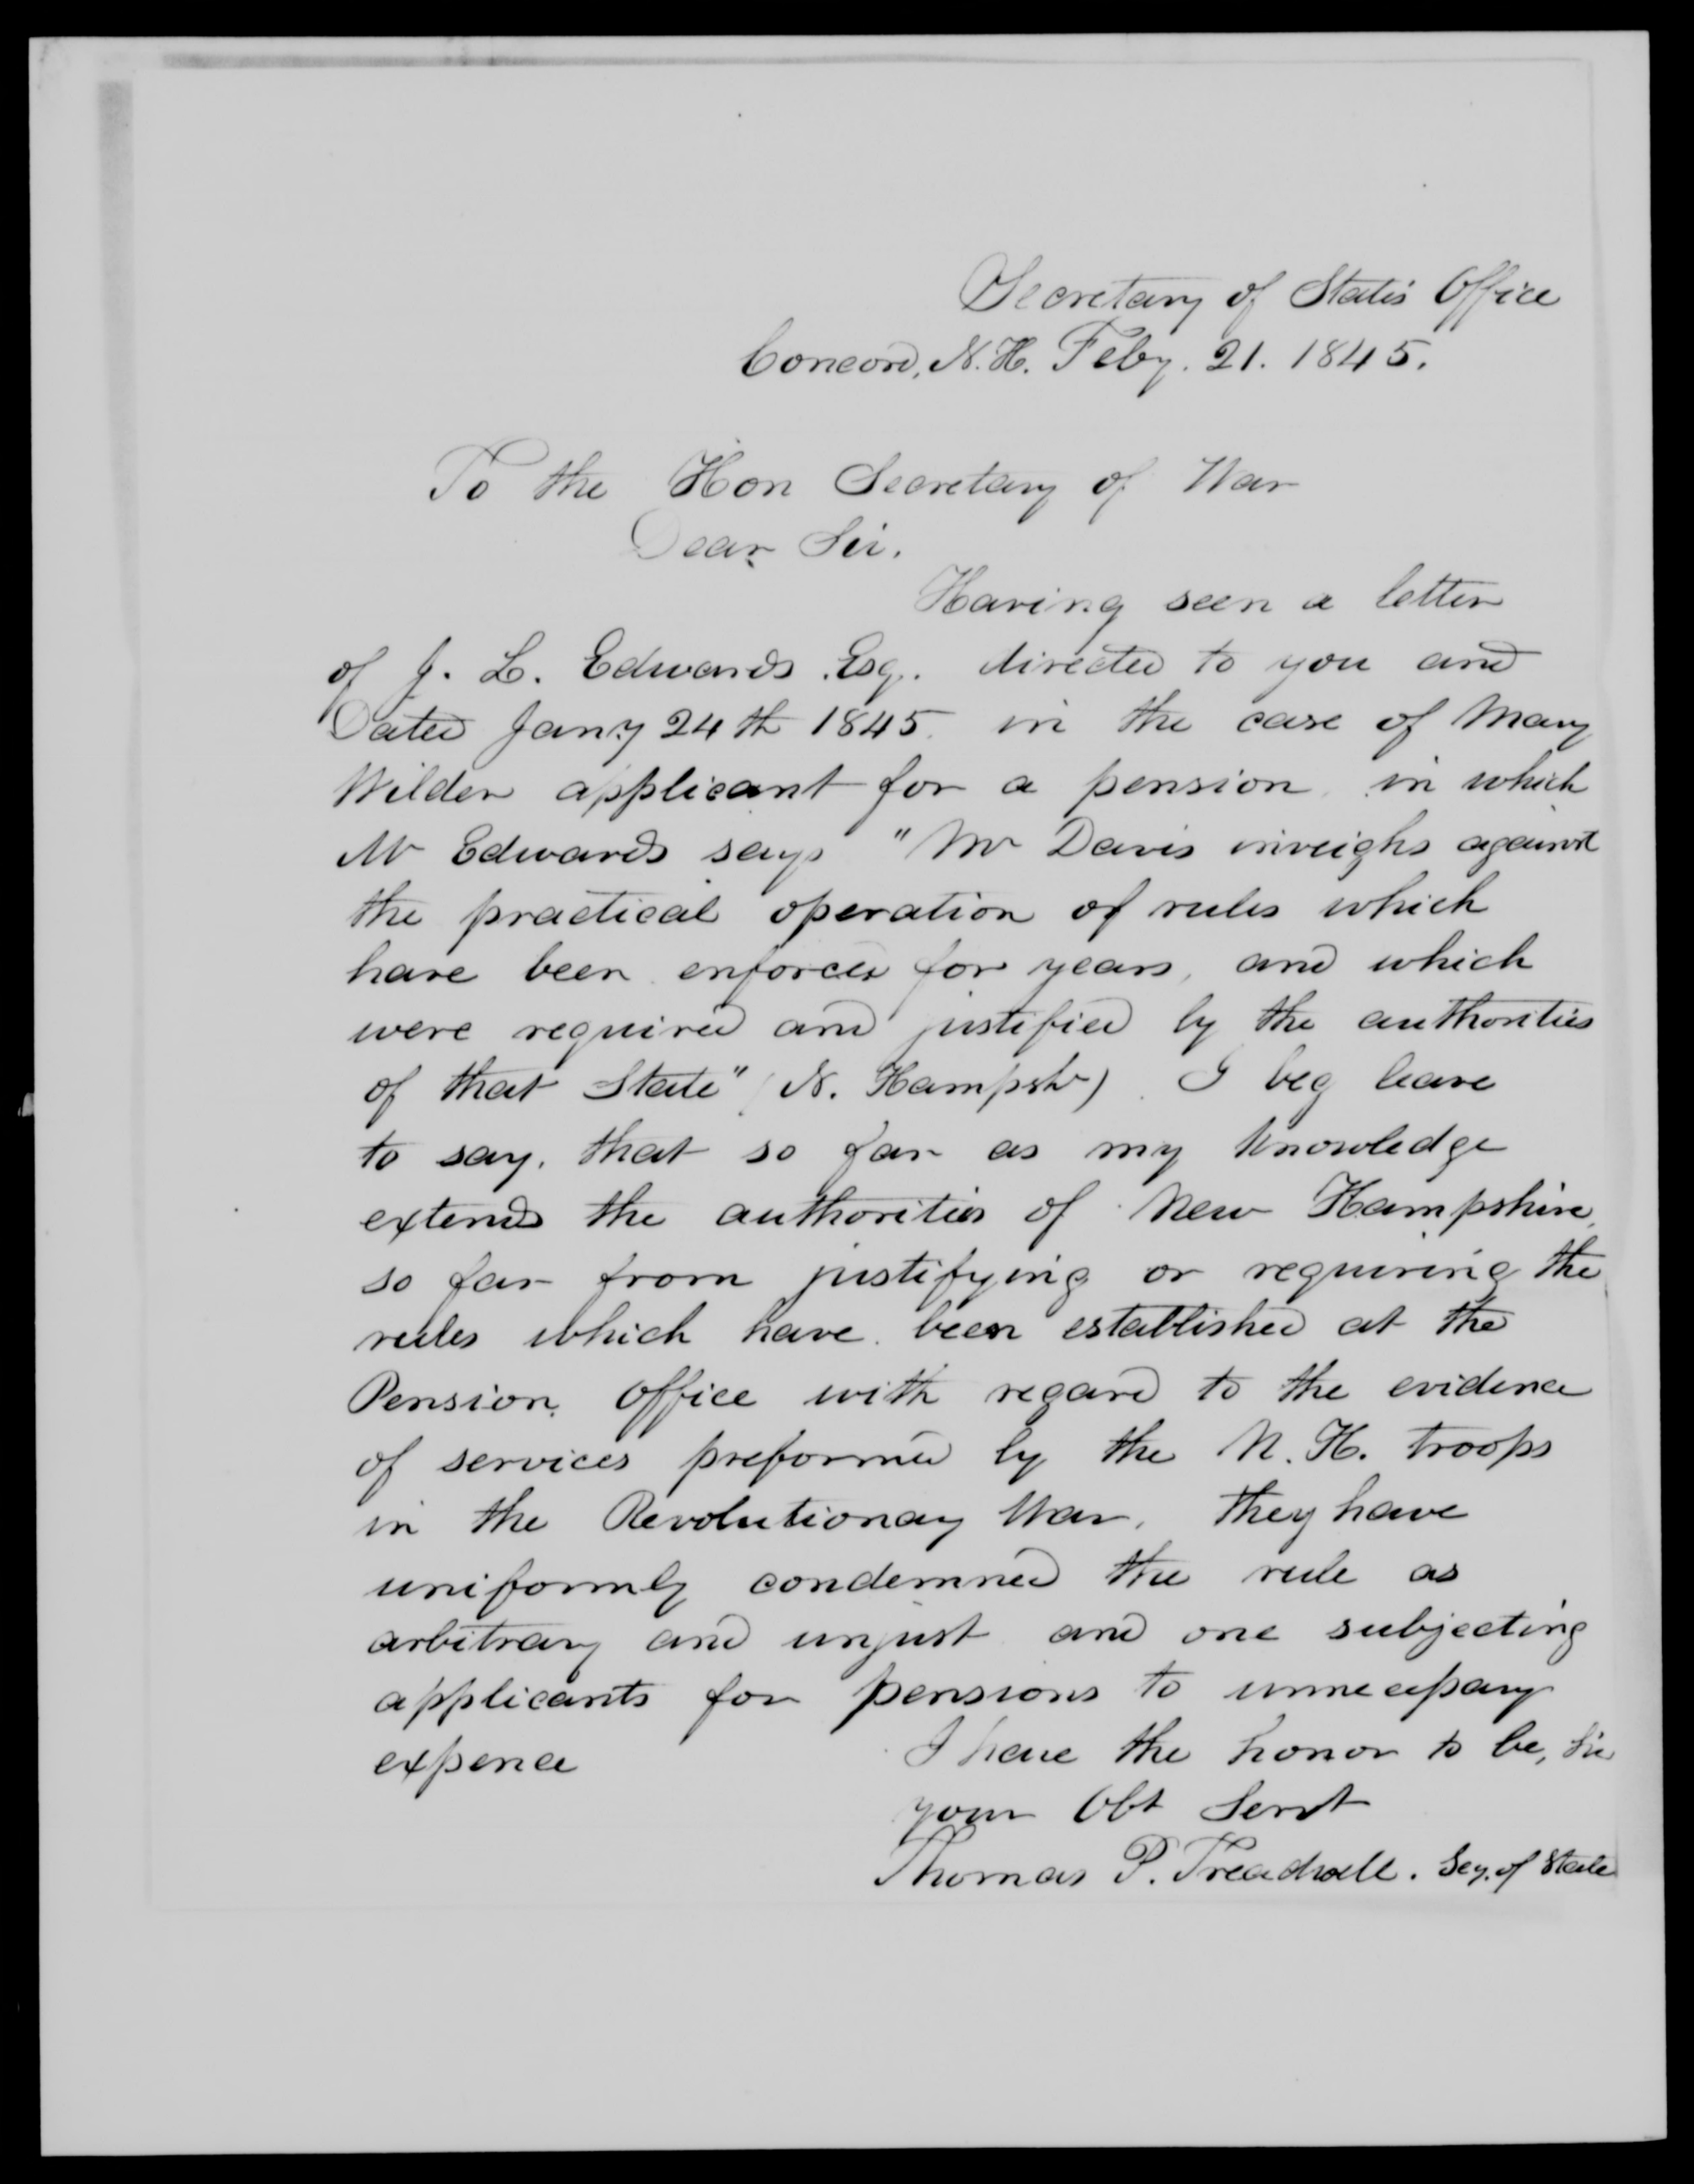Secretary of State’s Office
Concord, N.H. Feby. 21. 1845. 

To the Hon Secretary of War
Dear Sir,
Having seen a letter of J.L. Edwards, Esq. directed to you and Dated Jane 24th 1845, in the case of Mary Wilder applicant for a pension in which Mr Edwards says “Mr Davis inveighs against the practiced operation of rules which have been enforced for year, and which were required and justified by the authorities of that State “ N. Hampshire) I beg leave to say that so far as my knowledge extends the authors of New Hampshire so far from justified or requiring the rules which have been established at the Pension Office with regard to the evidence of services performed by the N.H. troops in the Revolutionary War, they have uniformly condemned the rule as arbitrary and unjust and one subjecting applicants for pensions to unnecessary expense. 
I have the honor to be , [ ] 
Yours Obt Servt
Thomas P. Treadwell. Sec. of State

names: Thomas P Treadwell, J L Edwards, Davis, Mary Wilder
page: 29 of 40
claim: widow's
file: W. 18,426, Abel Wilder, Mass. N.H. Vt.